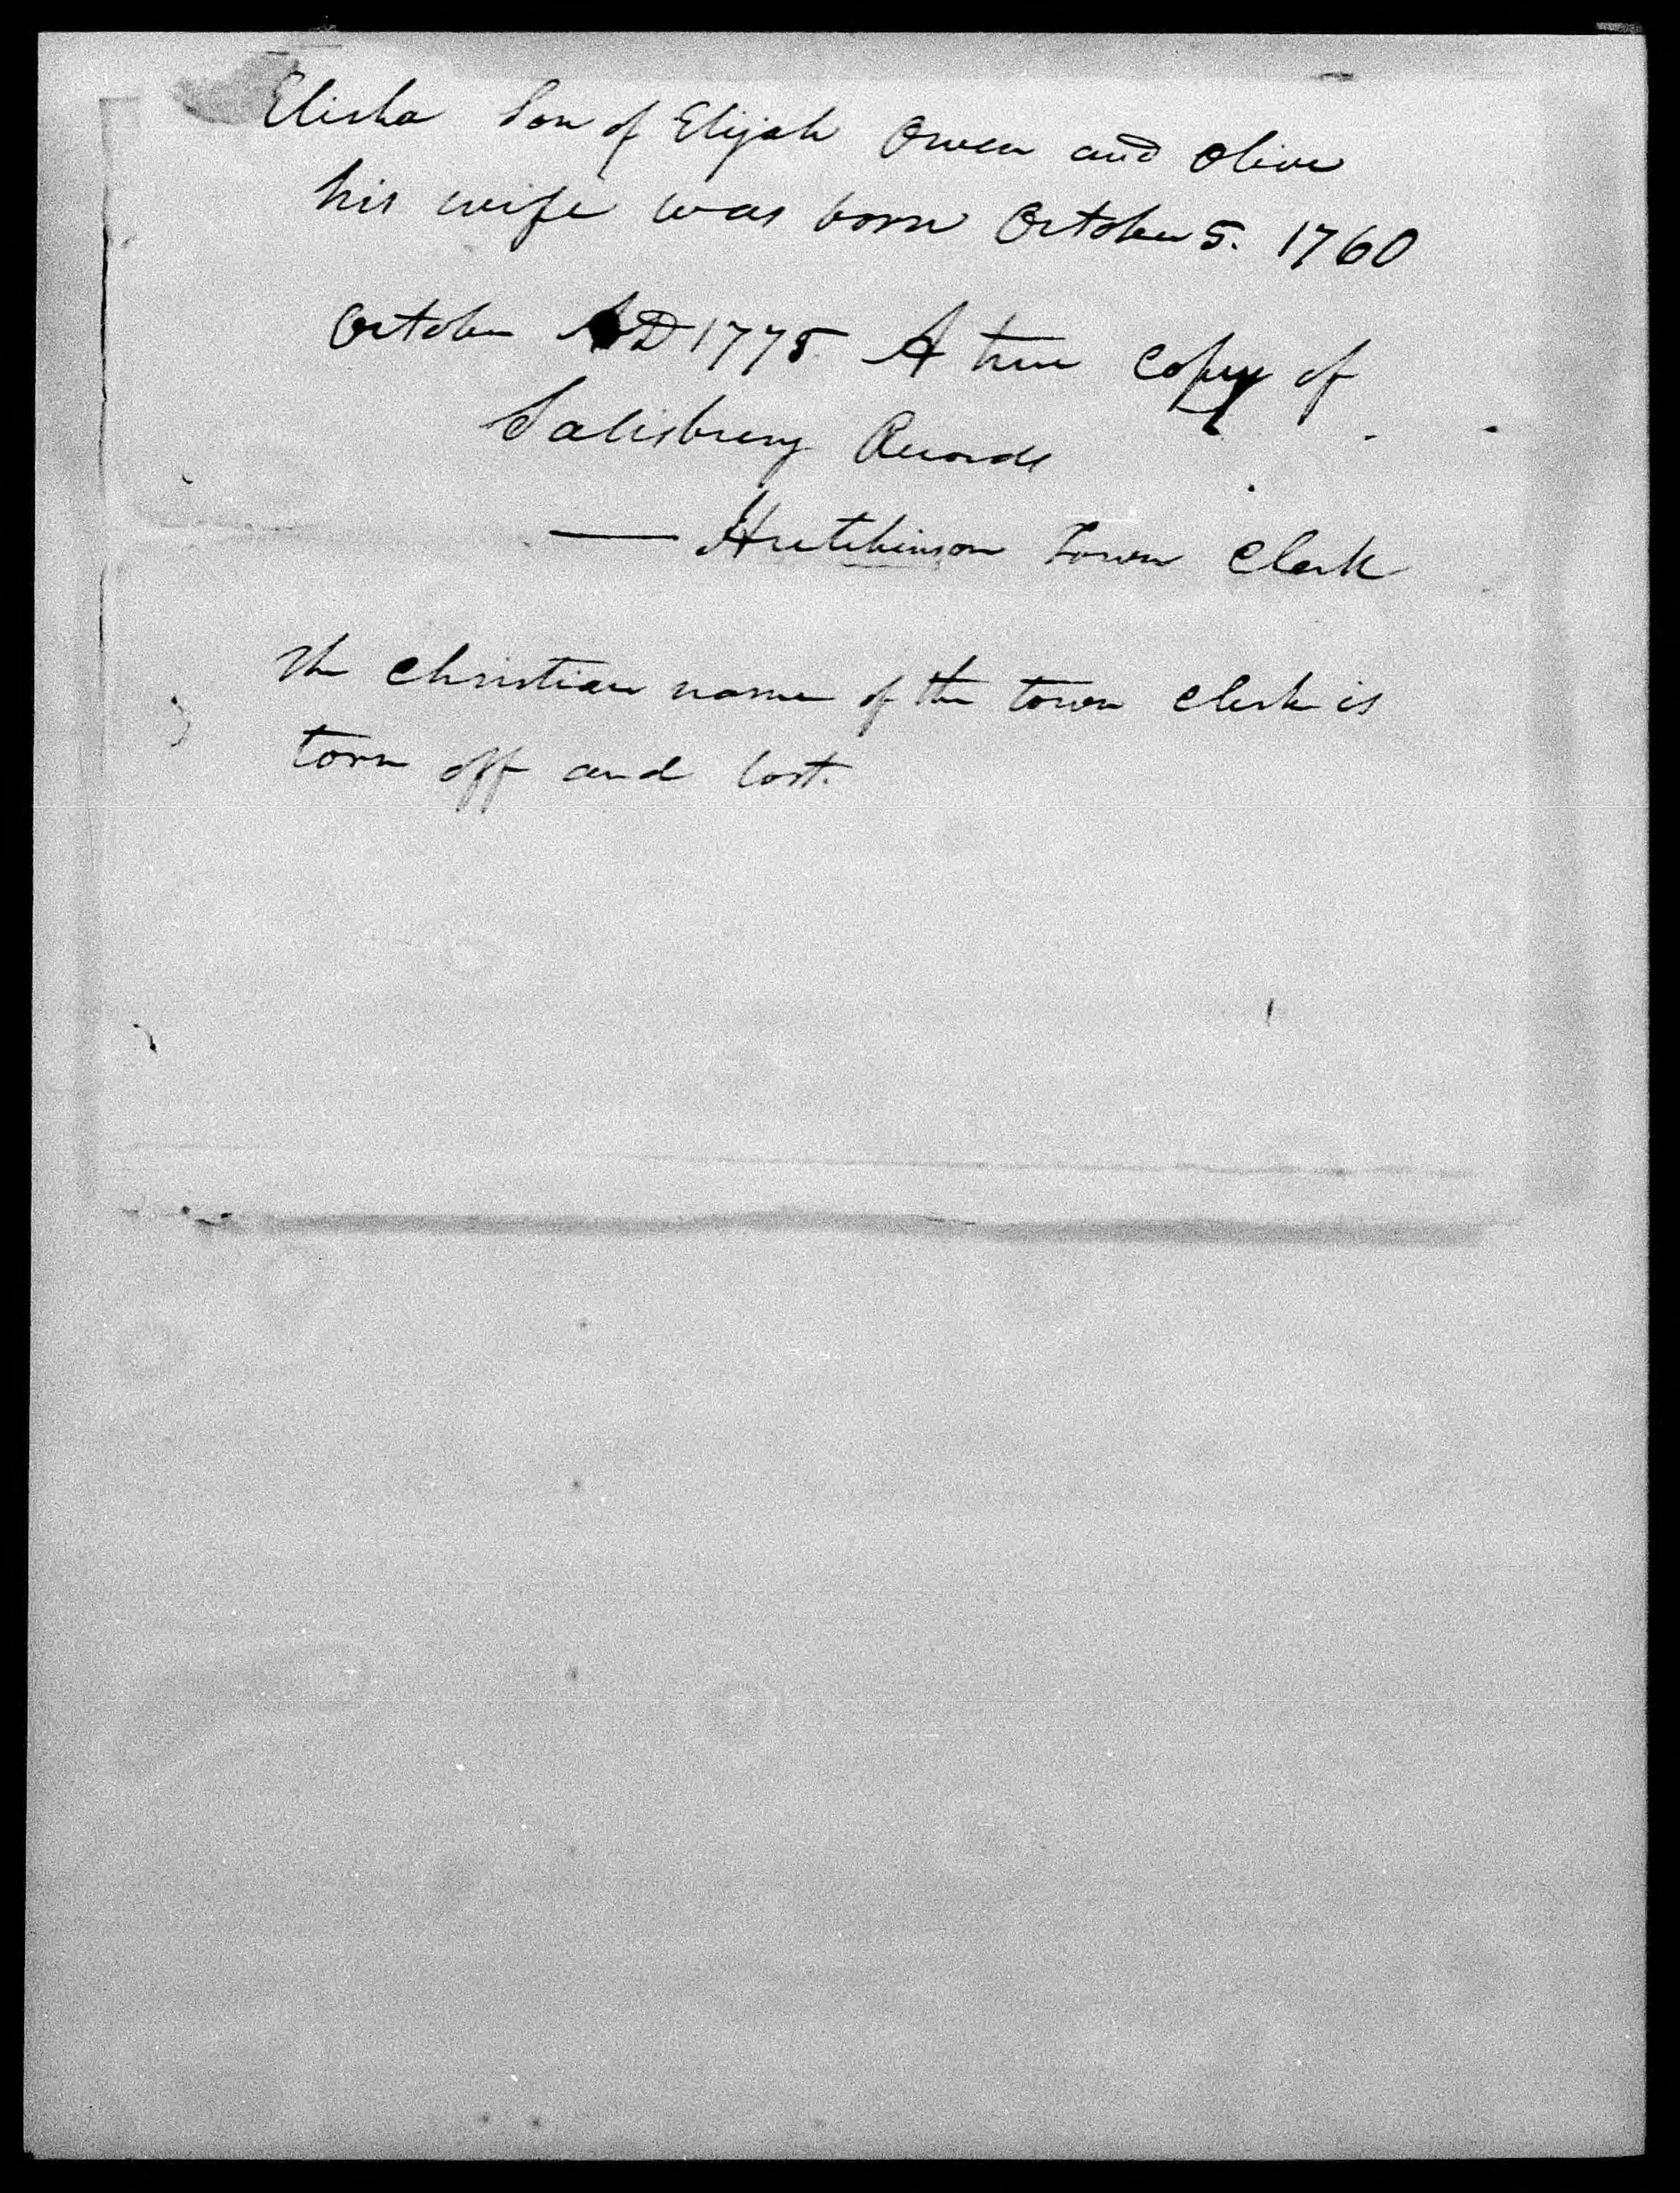Elisha son of Elijah Owen and Olive his wife was born October 5, 1760.

October AD 1775 A true copy of Salisbury Records
---Hutchinson Town Clerk

The Christian name of the town clerk is torn off and lost.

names: Elijah Owen; Olive Owen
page: 17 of 23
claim: survivor's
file: S 14072, for Elisha Owen, Vermont